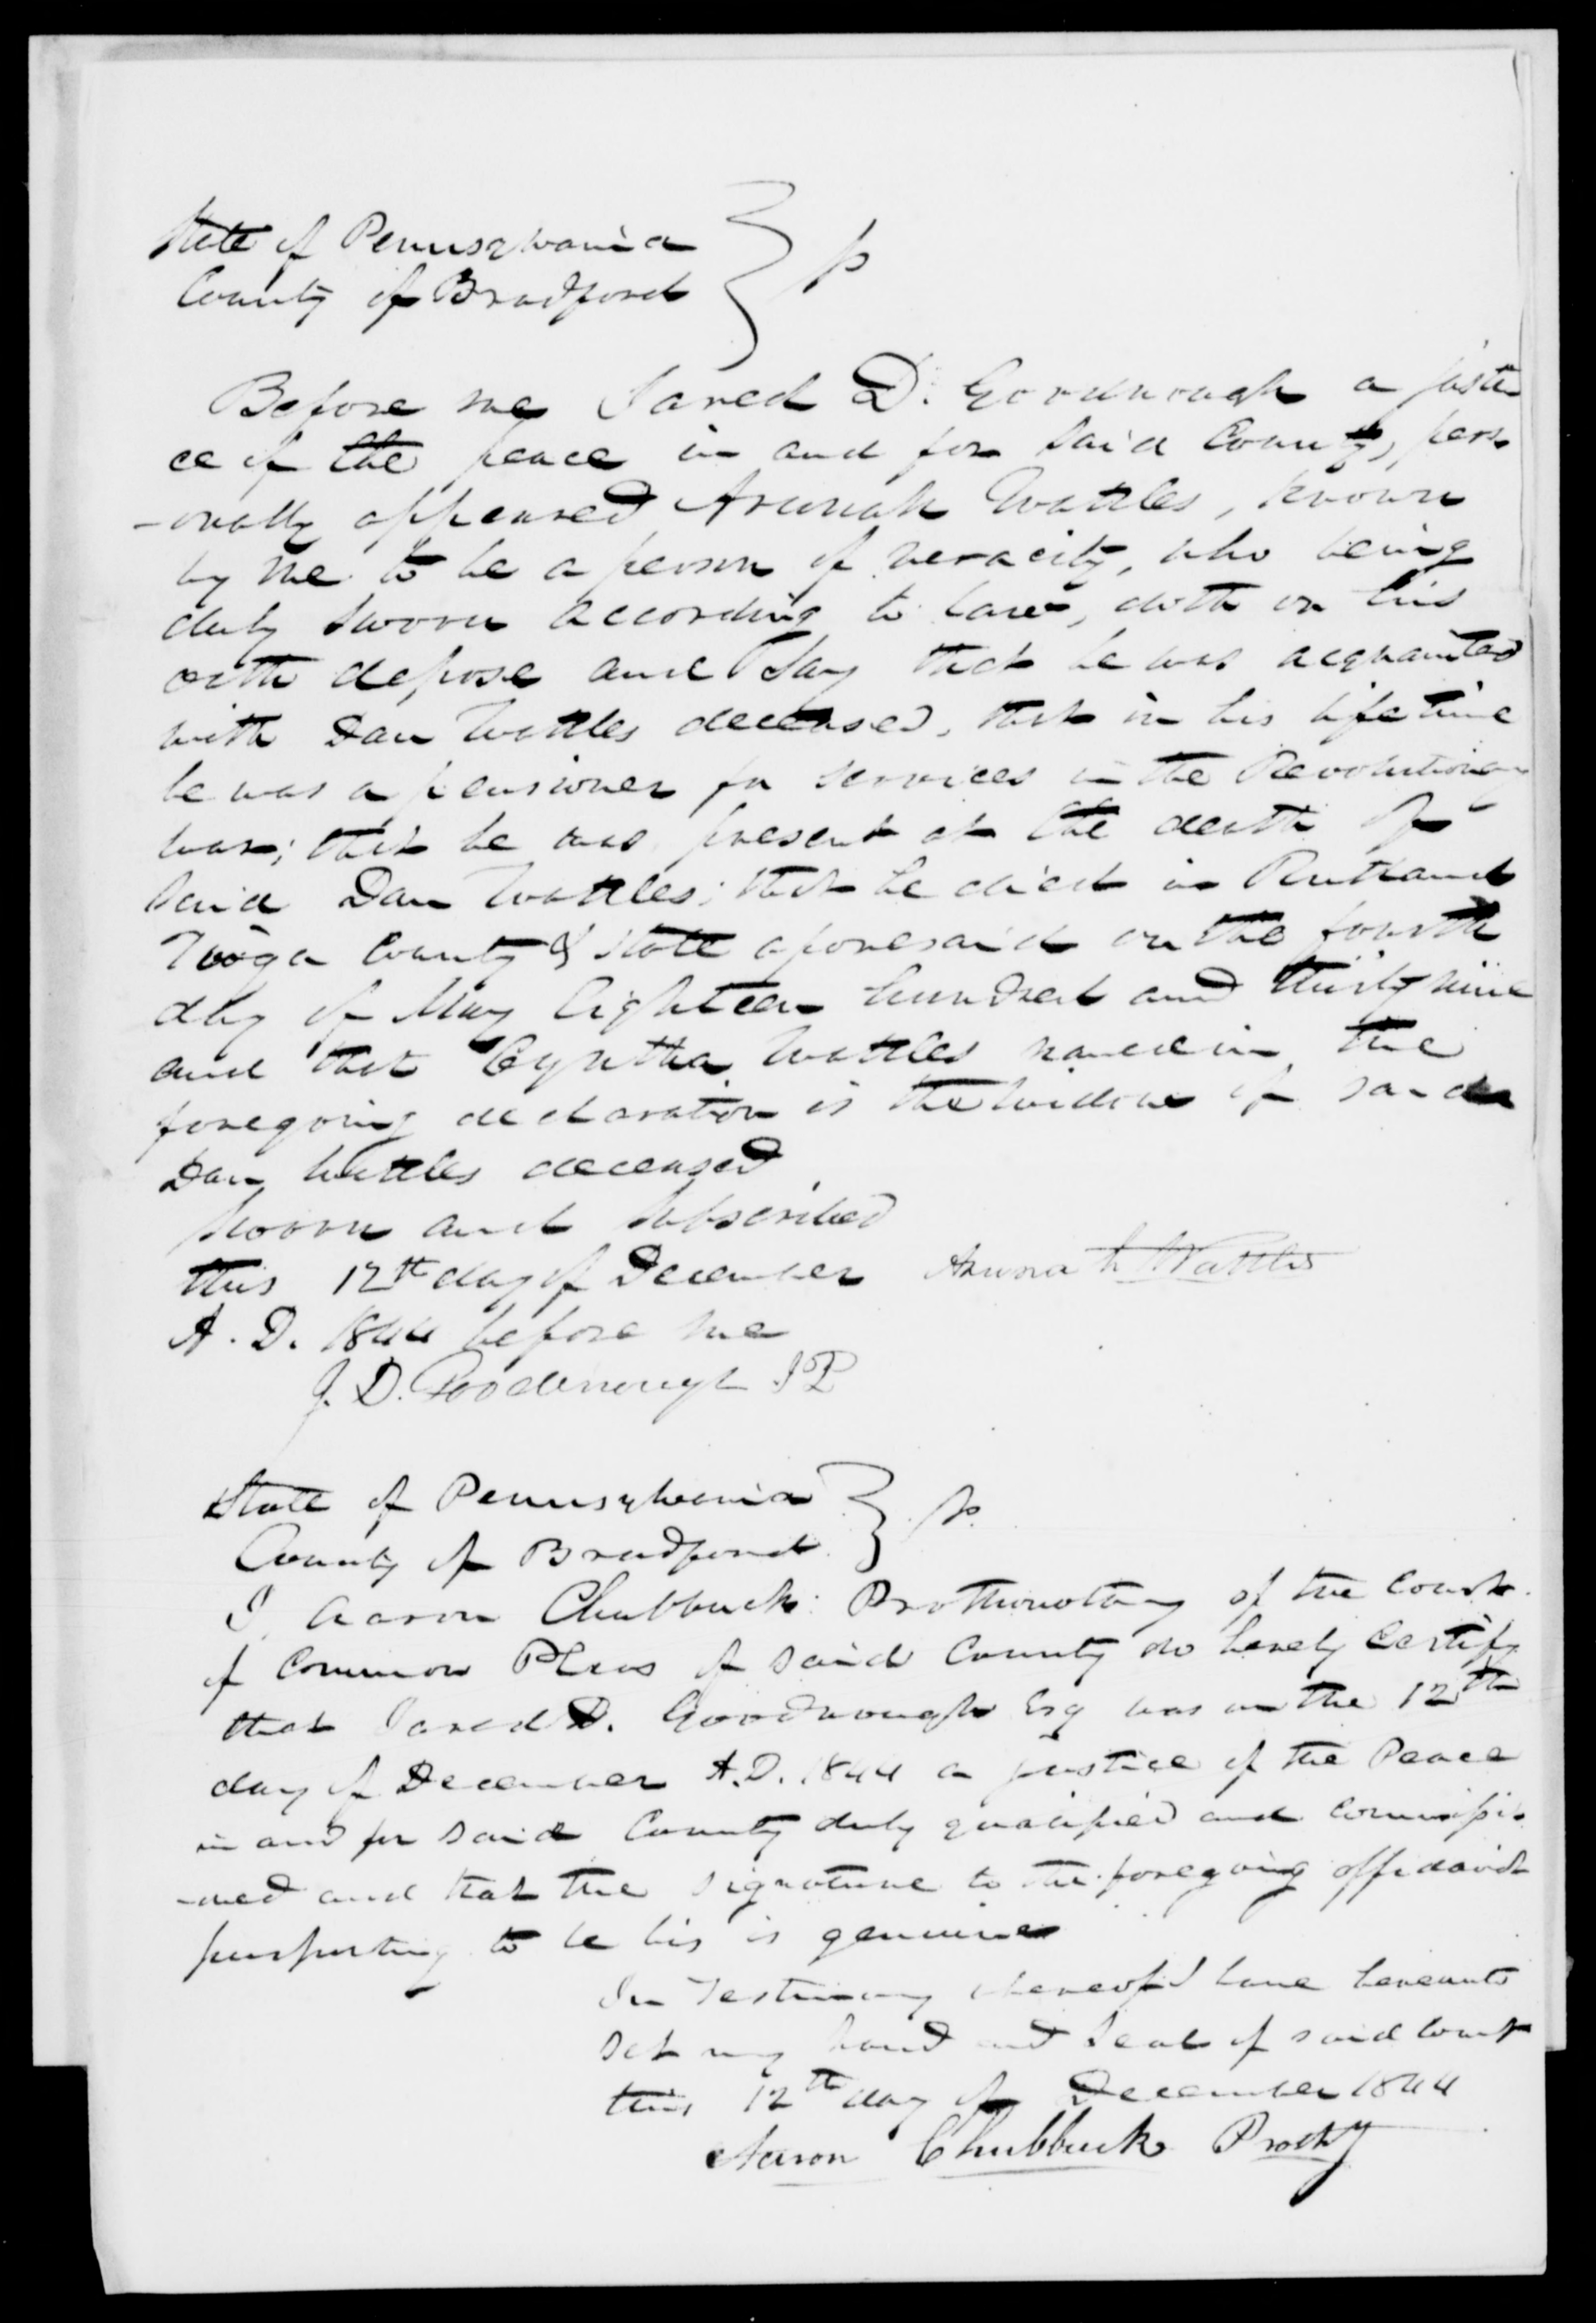State of Pennsylvania }
County of Bradford } ss
Before me Jared D. Goodnough a Justice of the peace in and for said County, personally appeared Arunah Whattles, known by me to be a person of veracity, who being duly sworn according to law, doth on his oath depose and say that he was acquainted with Dan Wattles deceased, that in his lifetime he was a pensioner for services in the Revolutionary war ; that he was present at the death of said Dan Wattles; that he died in Putnam Tioga County & State aforesaid on the fourth day of May Eighteen hundred and thirty nine and that Cyntha Wattles named in the foregoing declaration is the widow of said Dan Wattles deceased
Arunah Wattles
Sworn and subscribed this 12th day of December A.D. 1844 before me
J. D. Goodenough J P

State of Pennsylvania }
County of Bradford } Ss
I Aaron Chubbuck Prothonotary of the Court of Common Pleas of said County do hereby certify that Jared D. Goodnough Esq was on the 12th day of December A.D. 1844 a Justice of the Peace in and for said County duly qualified and commissioned and that the signature to the foregoing affidavit purporting to be his is genuine
In Testimony whereof I have hereunto set my hand and seal of said Court this 12th day of December 1844
Aaron Chubbuck Prothy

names: Arunah Wattles, Aaron Chubbuck, Jared D Goodnough, Cyntha Wattles, Dan Wattles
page: 62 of 70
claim: widow's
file: W. 3743, Dan Wattles, Conn.